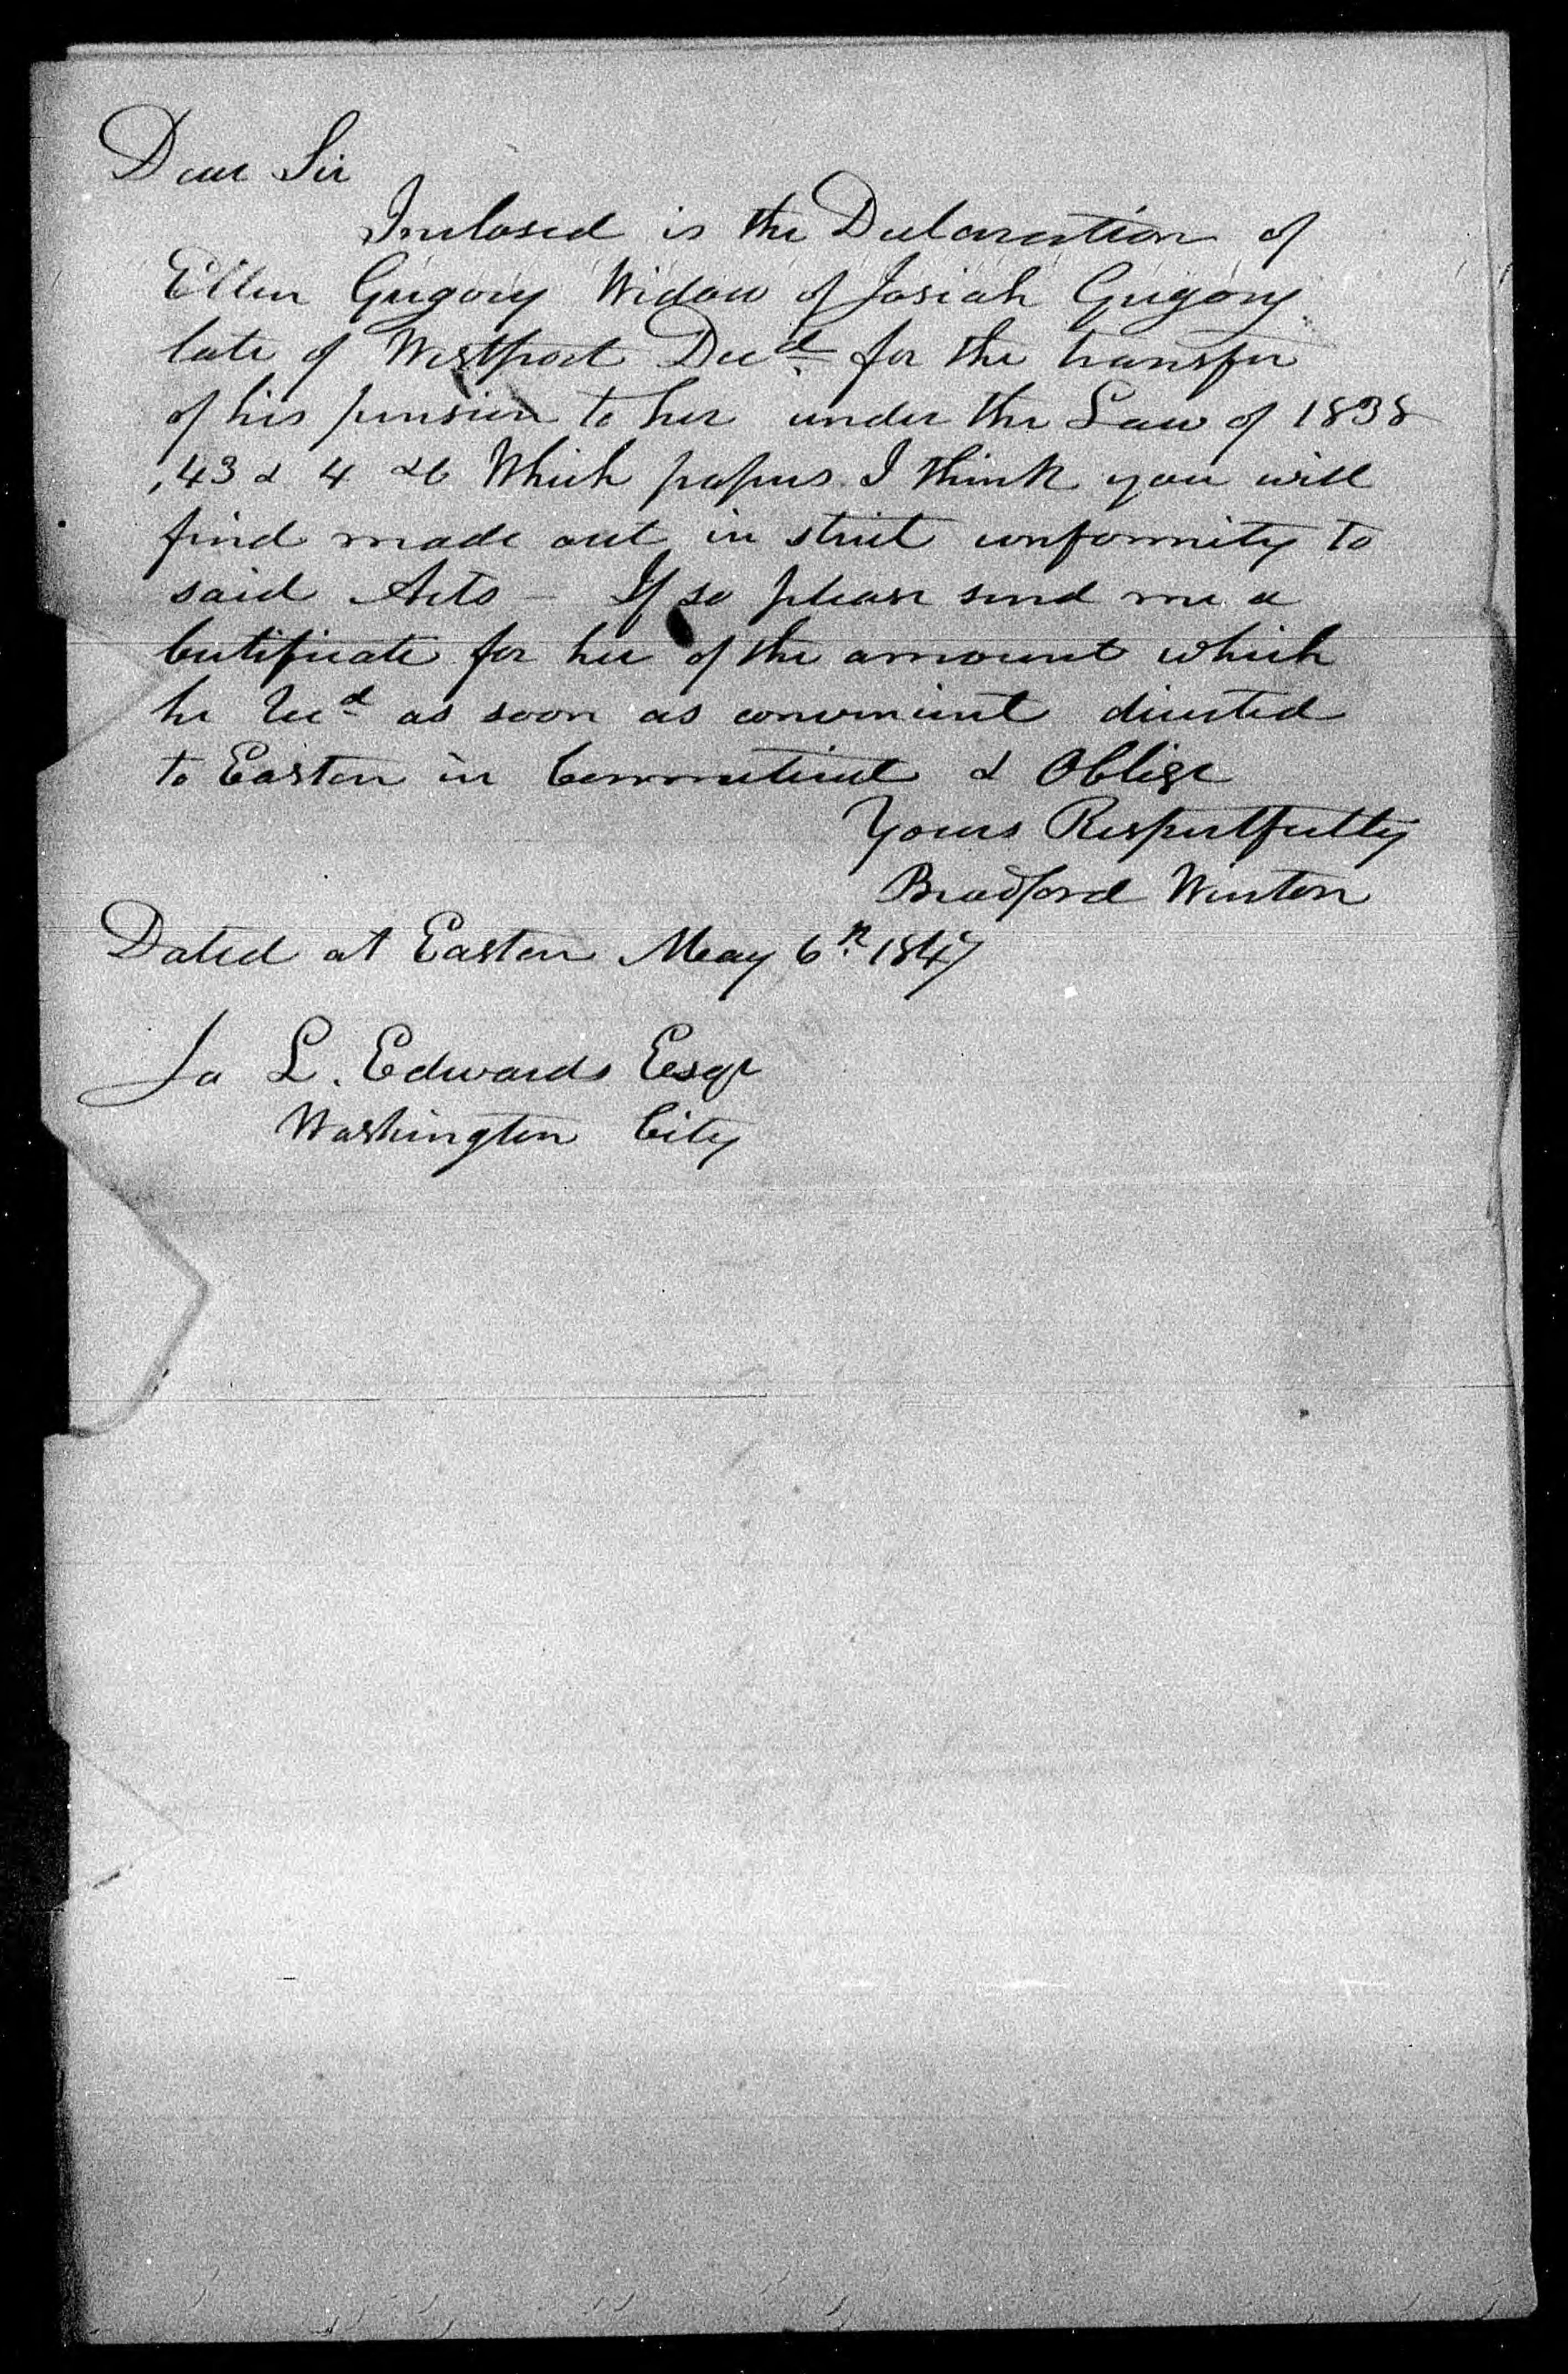Dear Sir

Inclosed is the Declaration of
Ellen Gregory Widow of Josiah Gregory
late ofWestport Dec'd for the transfer
of his pension to her under the Law of 1838
43 & 4 & which papers I think you will
find made out in strict conformity to
said Acts -
If so please send me a
Certificate for her of the amount which
he recd as soon as convenient directed
to Easton in Connecticut & oblige
Yours Respectfully
Bradford Winton
Dated at Easton May 6th 1847
J. L. Edwards Esq
Washington City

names: Josiah Gregory, Ja L Edwards, Bradford Winton, Ellen Gregory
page: 46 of 49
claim: widow's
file: W 24308, Josiah Gregory, Conn.